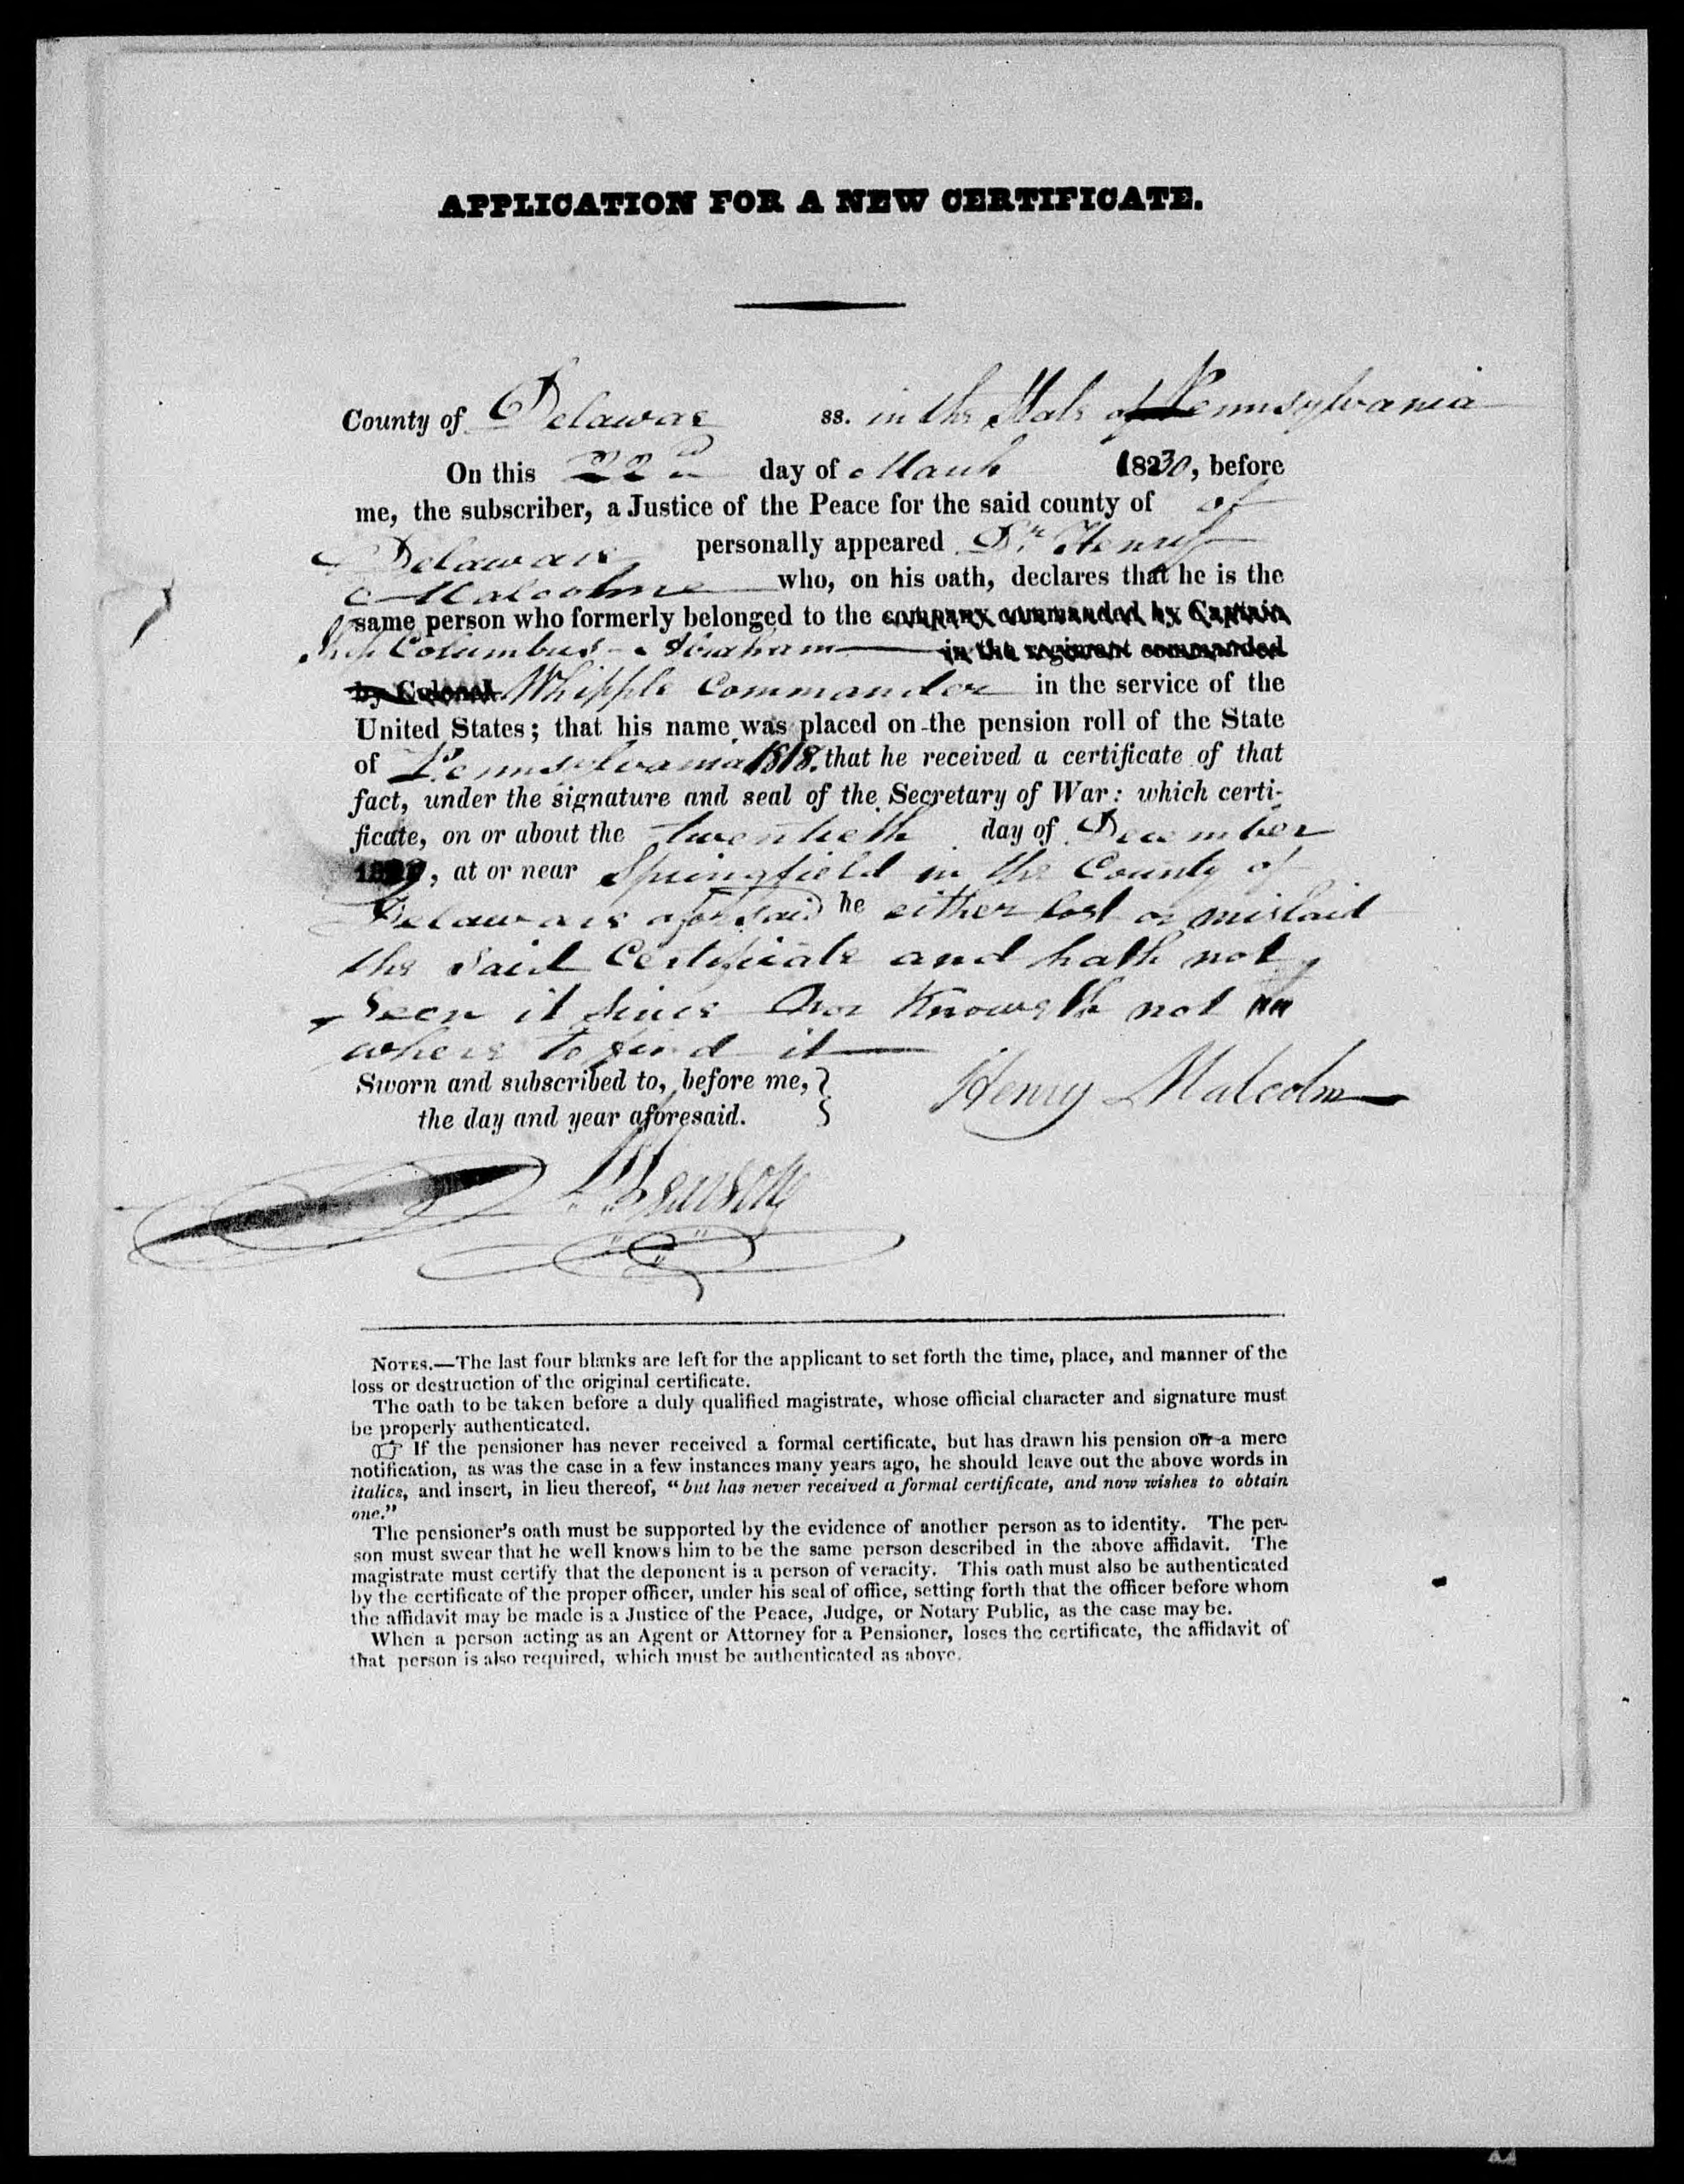APPLICATION FOR A NEW CERTIFICATE.
County of Delawae [Delaware] ss. in the State of Pennsylvania
On this 22d day of March 1830, before me, the subscriber, a Justice of the Peace for the said county of of Delaware personally appeared Henry Malcolm who, on his oath, declares that he is the same person who formerly belonged to the ship Columbus Abraham Whipple  Commander in the service of the United States; that his name was placed on the pension roll of the State of Pennsylvania 1818 that he received a certificate of that fact, under the signature and seal of the Secretary of War; which certificate, on or about the twentieth day of December
at or near Springfield in the County of Delaware aforesaid he either lost or mislaid the said Certificate and hath not seen it since nor knoweth [knows] not where to find it
Henry Malcolm
Sworn and subscribed to, before me, the day and year aforesaid.}
J L Pearson

NOTES. The last four blanks are left for the applicant to set forth the time, place, and manner of the loss or destruction of the original certificate.
The oath to be taken before a duly qualified magistrate, whose official character and signature must be properly authenticated. 
If the pensioner has never received a formal certificate, but has drawn his pension on a mere
notification, as was the case in a few instances many years ago, he should leave out the above words in italics, and insert, in lieu thereof, "but has never received a formal certificate, and now wishes to obtain one."
The pensioner's oath must be supported by the evidence of another person as to identity. The person must swear that he well knows him to be the same person described in the above affidavit. The magistrate must certify that the deponent is a person of veracity. This oath must also be authenticated by the certificate of the proper officer, under his seal of office, setting forth that the officer before whom the affidavit may be made is a Justice of the Peace, Judge, or Notary Public, as the case may be.
When a person acting as an Agent or Attorney for a Pensioner, lose the certificate, the affidavit of that person is also required, which must be authenticated as above.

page: 27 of 28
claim: survivor's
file: S. 5,048, for Henry Malcolm